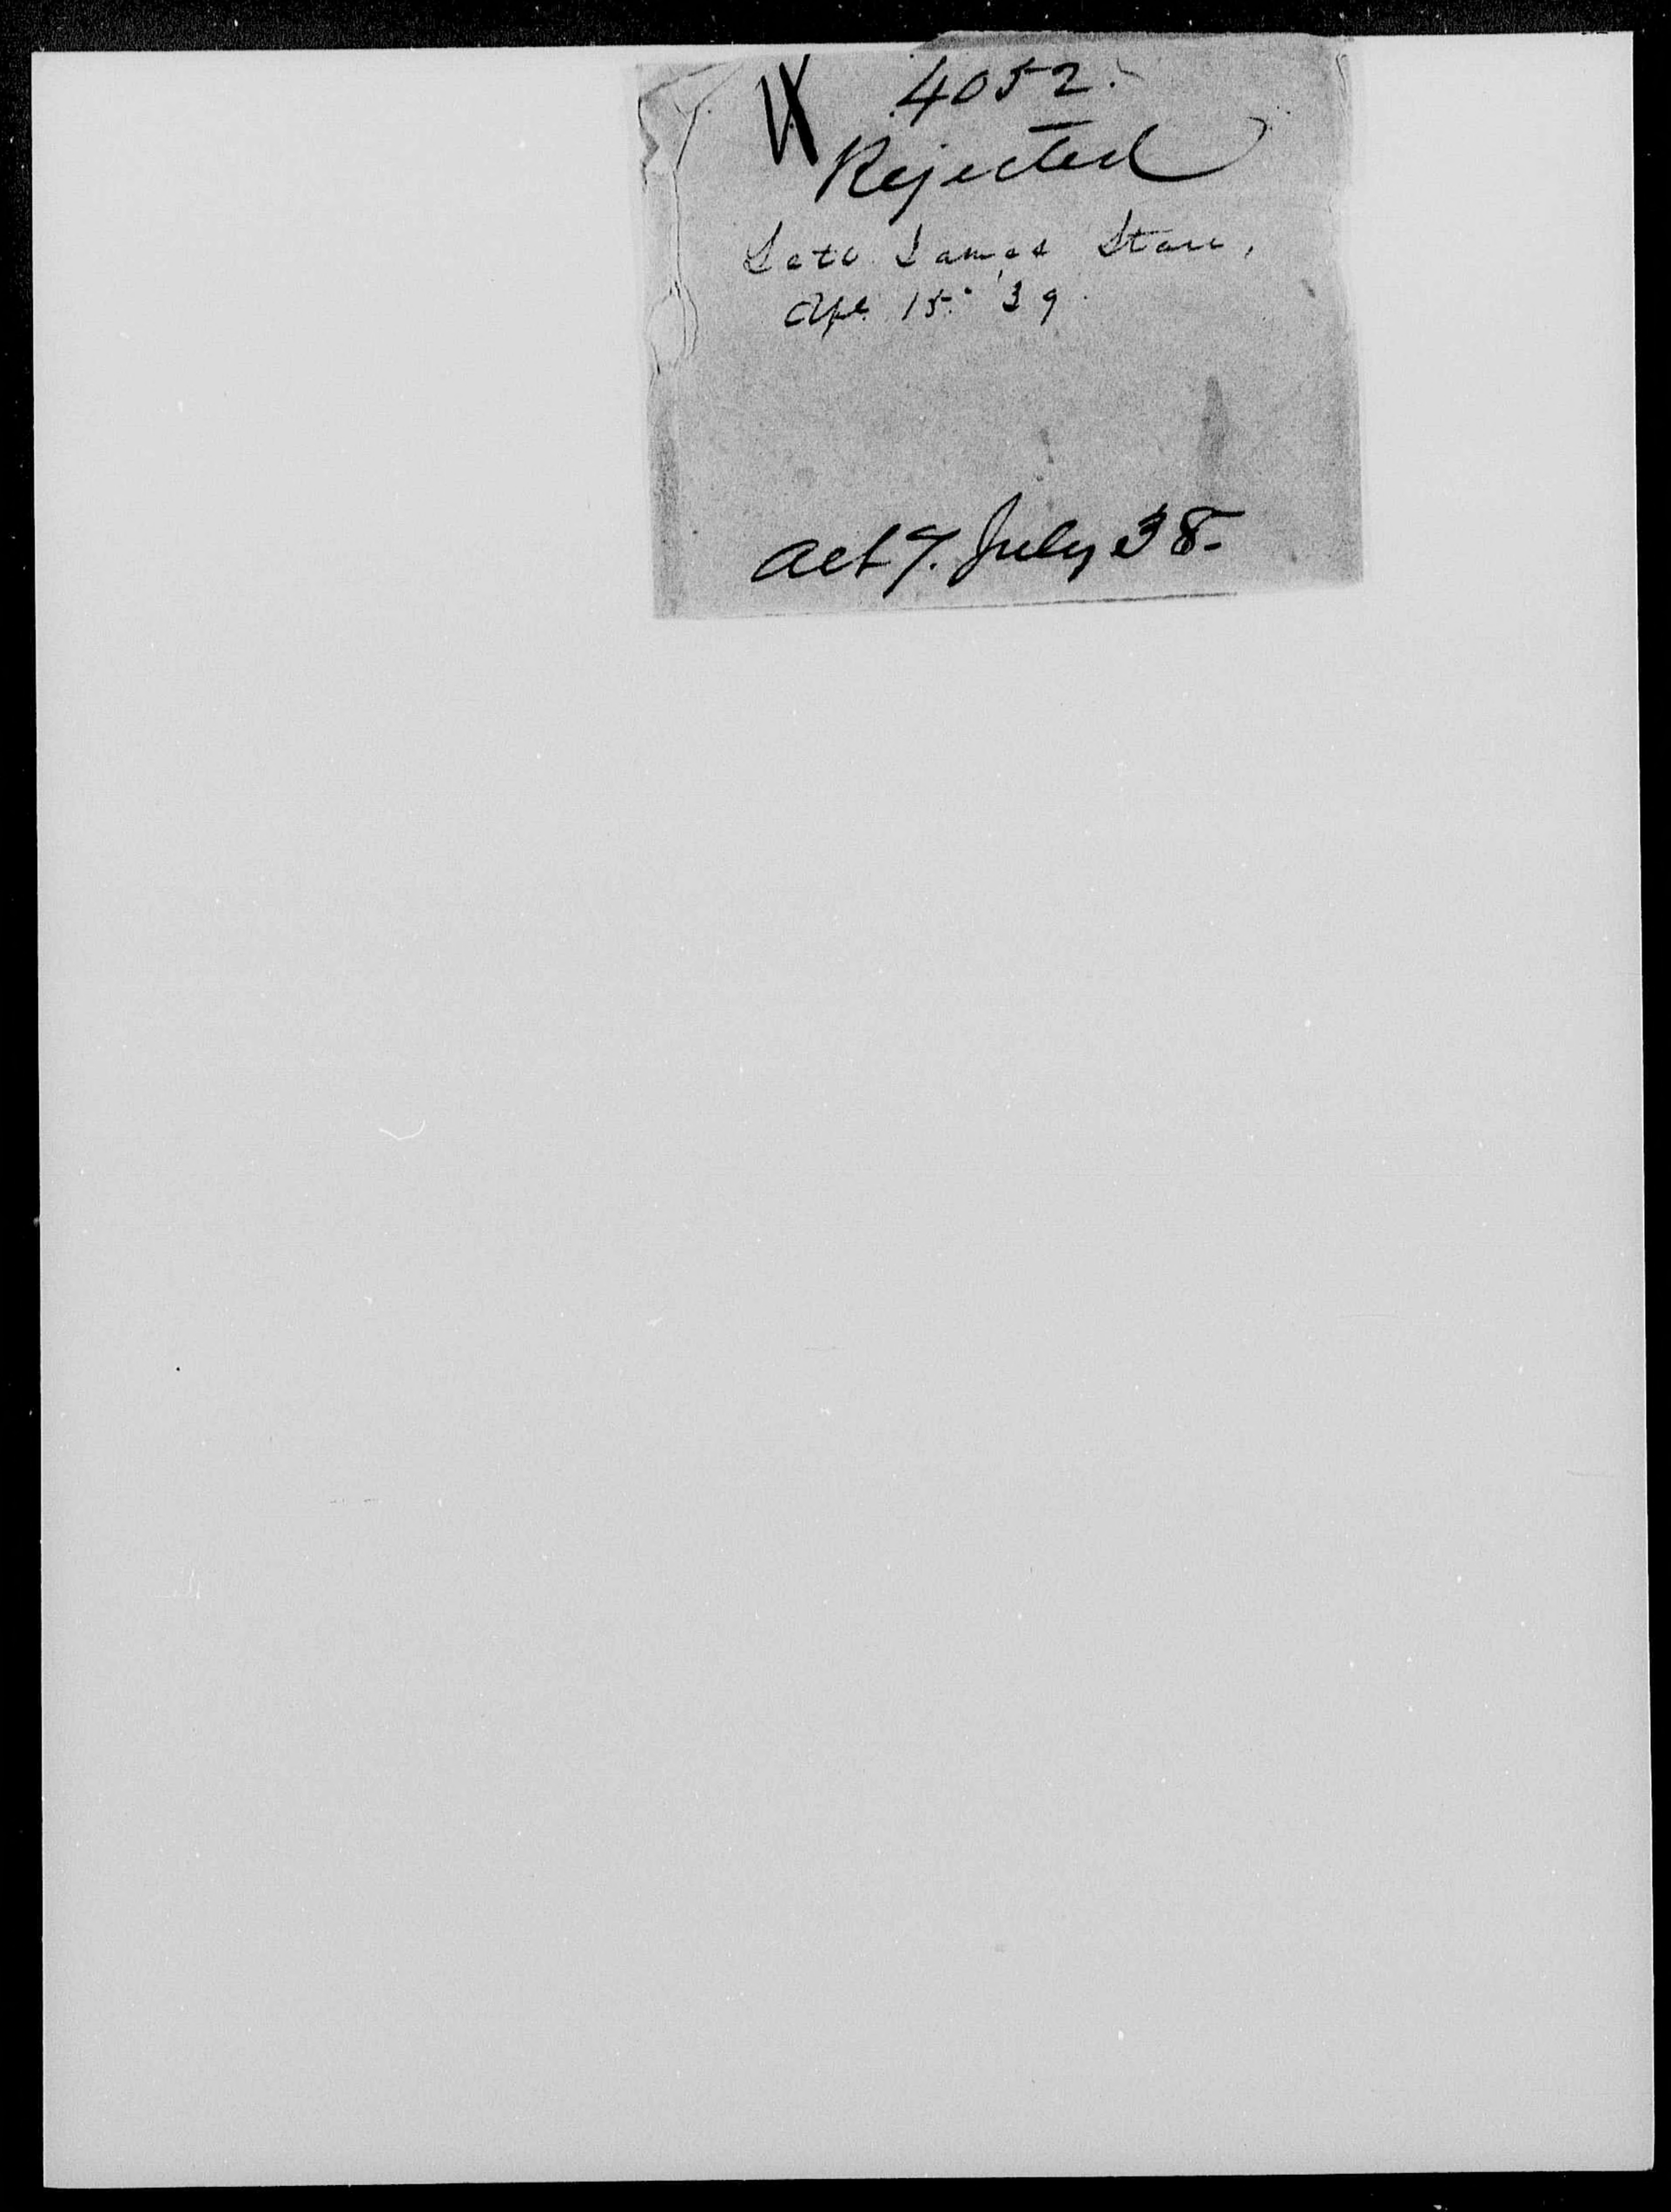X 4052
Rejected
Setc James Starr,
Apl. 15 '39

act 7. July 38.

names: James Starr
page: 17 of 39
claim: widow's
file: W. 23,621, Increase Blethen, Mass.